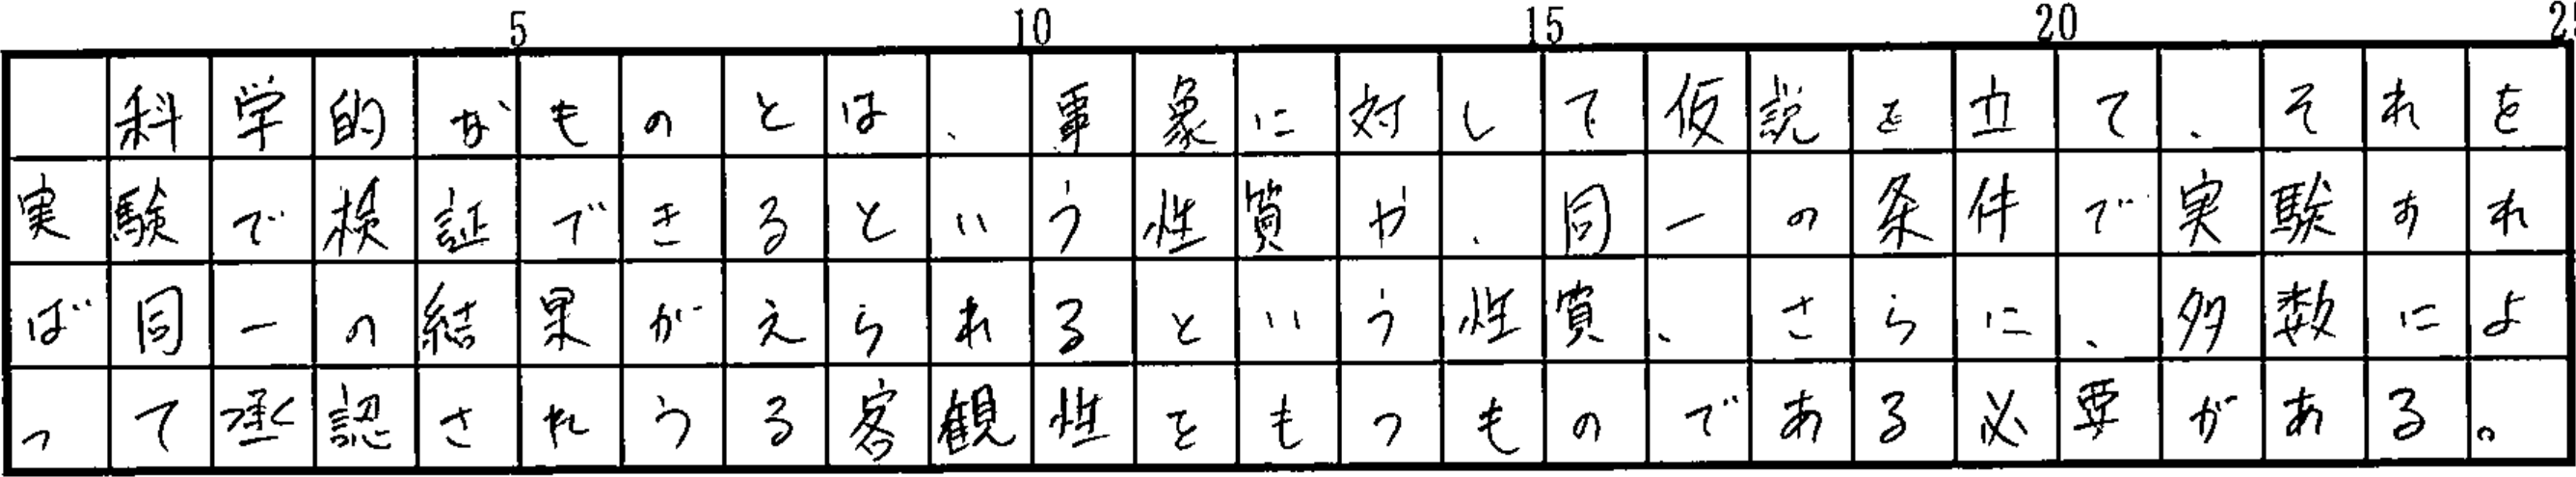　科学的なものとは、事象に対して仮説を立て、それを実験で検証できるという性質や、同一の条件で実験すれば同一の結果がえられるという性質、さらに、多数によって▁認されうる客観性をもつものである必要がある。
